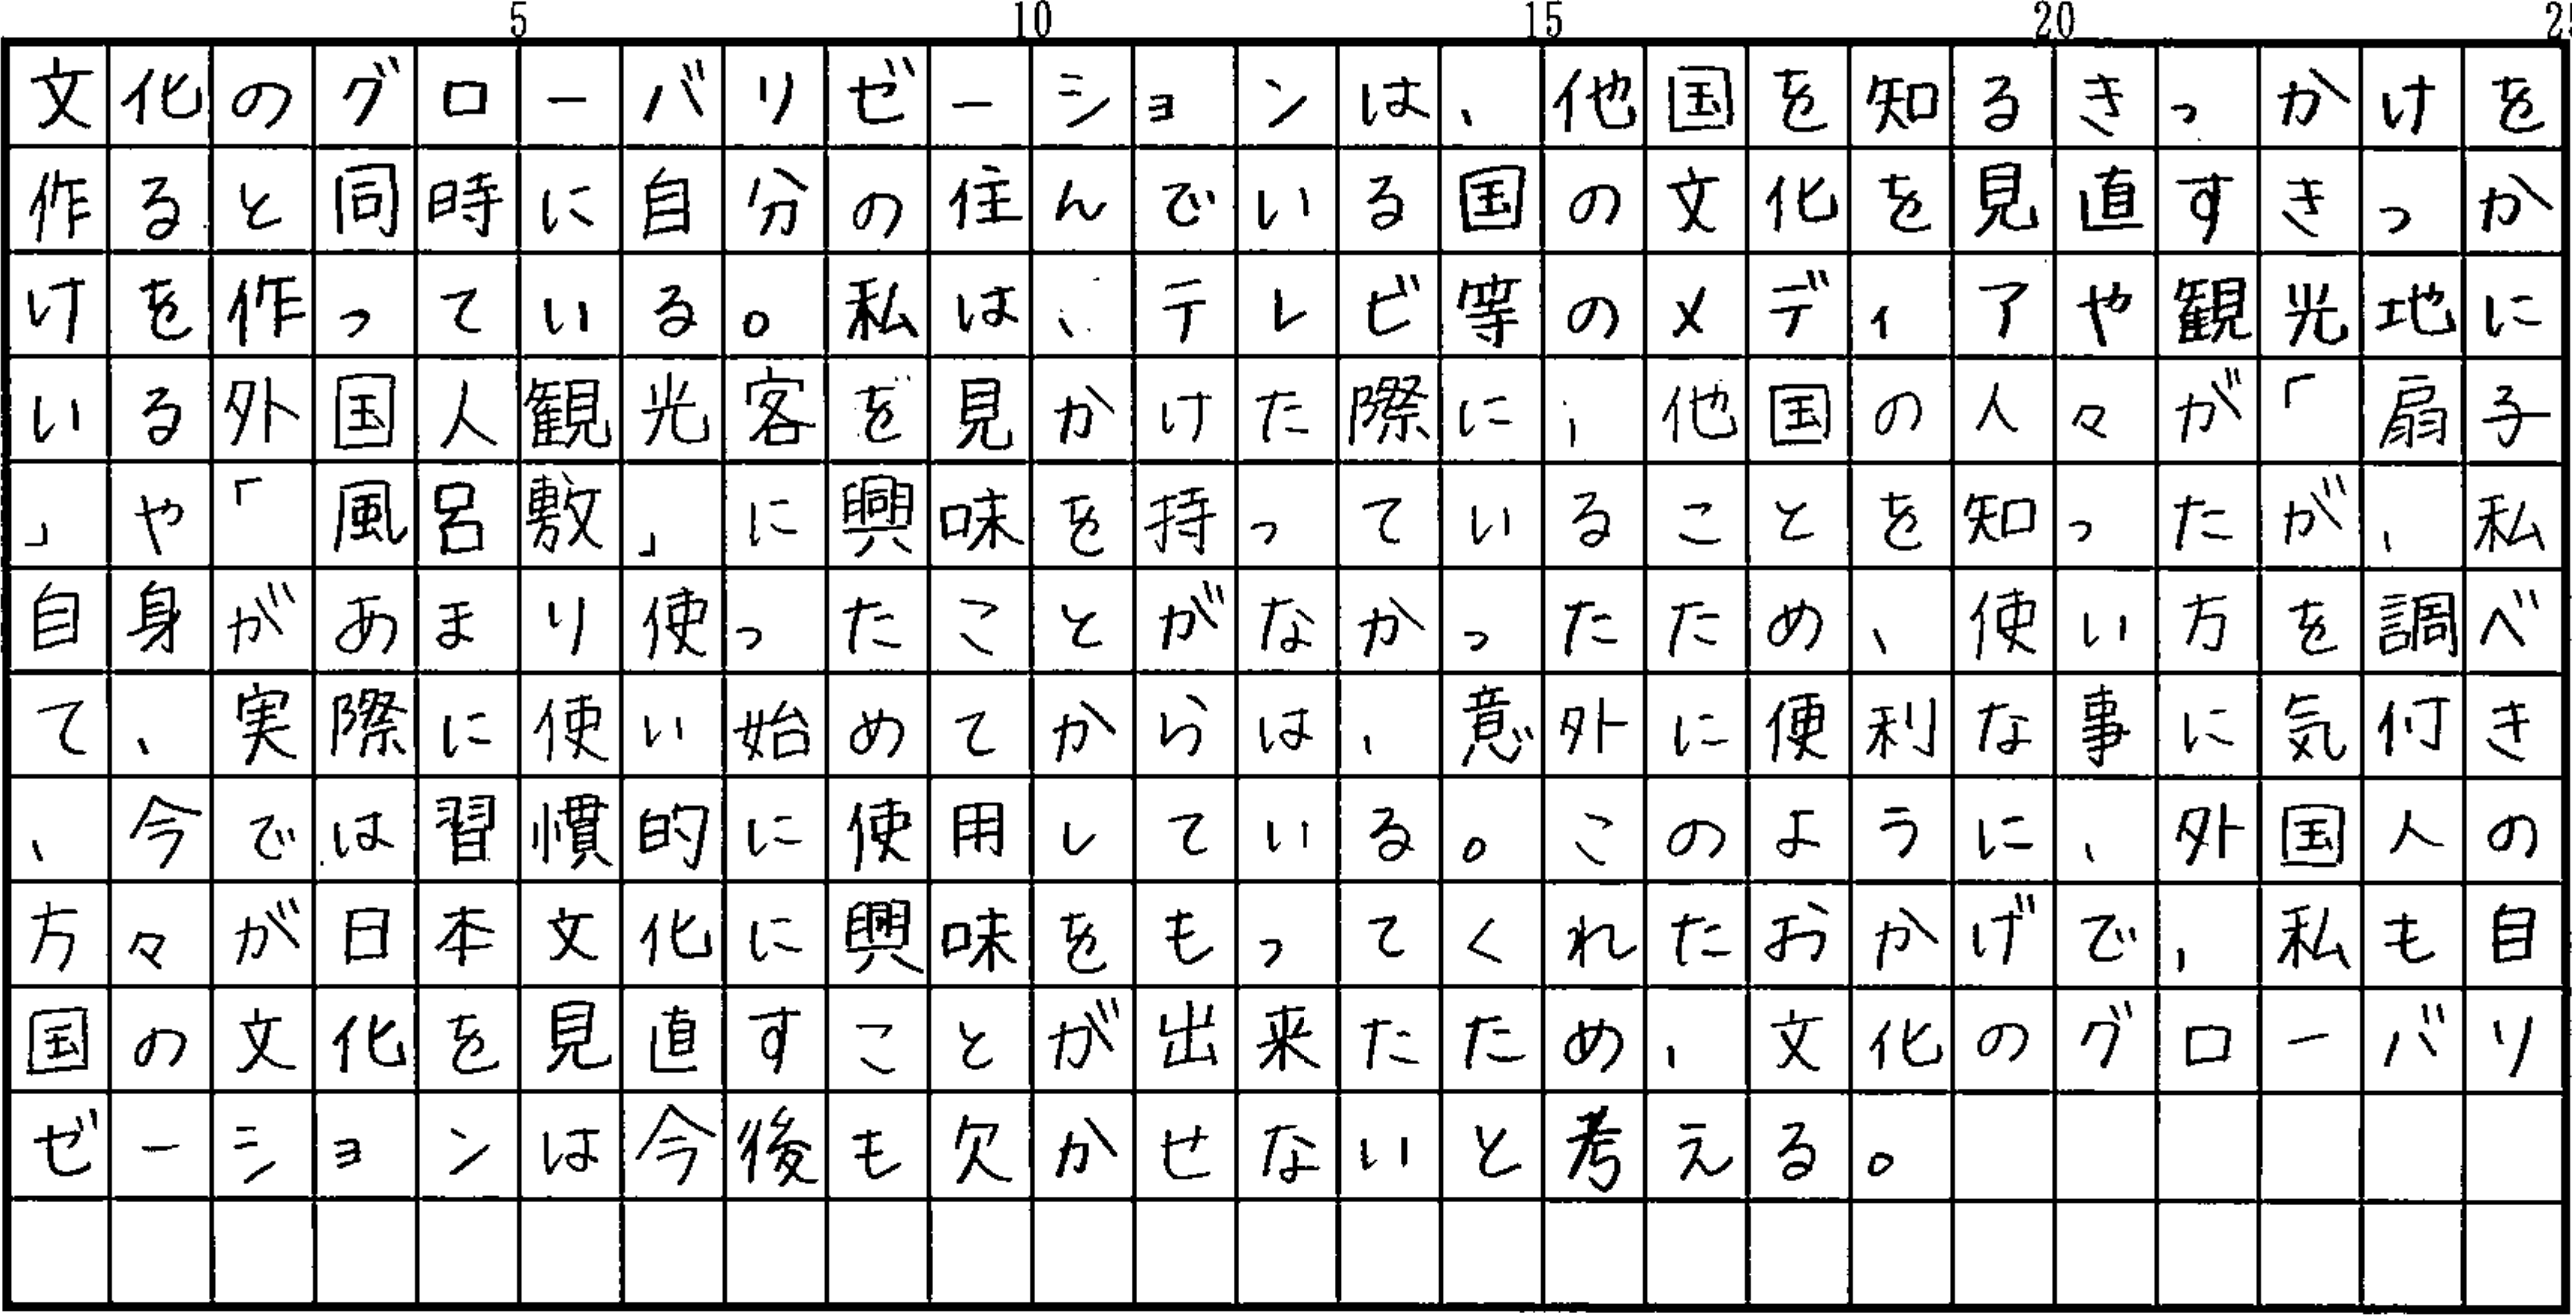文化のグローバリゼーションは、他国を知るきっかけを作ると同時に自分の住んでいる国の文化を見直すきっかけを作っている。私は、テレビ等のメディアや観光地にいる外国人観光客を見かけた際に、他国の人々が「扇子」や「風呂敷」に興味を持っていることを知ったが、私自身があまり使ったことがなかったため、使い方を調べて、実際に使い始めてからは、意外に便利なことに気付き、今では習慣的に使用している。このように、外国人の方々が日本文化に興味をもってくれたおかげで、私も自国の文化を見直すことが出来たため、文化のグローバリゼーションは今後も欠かせないと考える。
